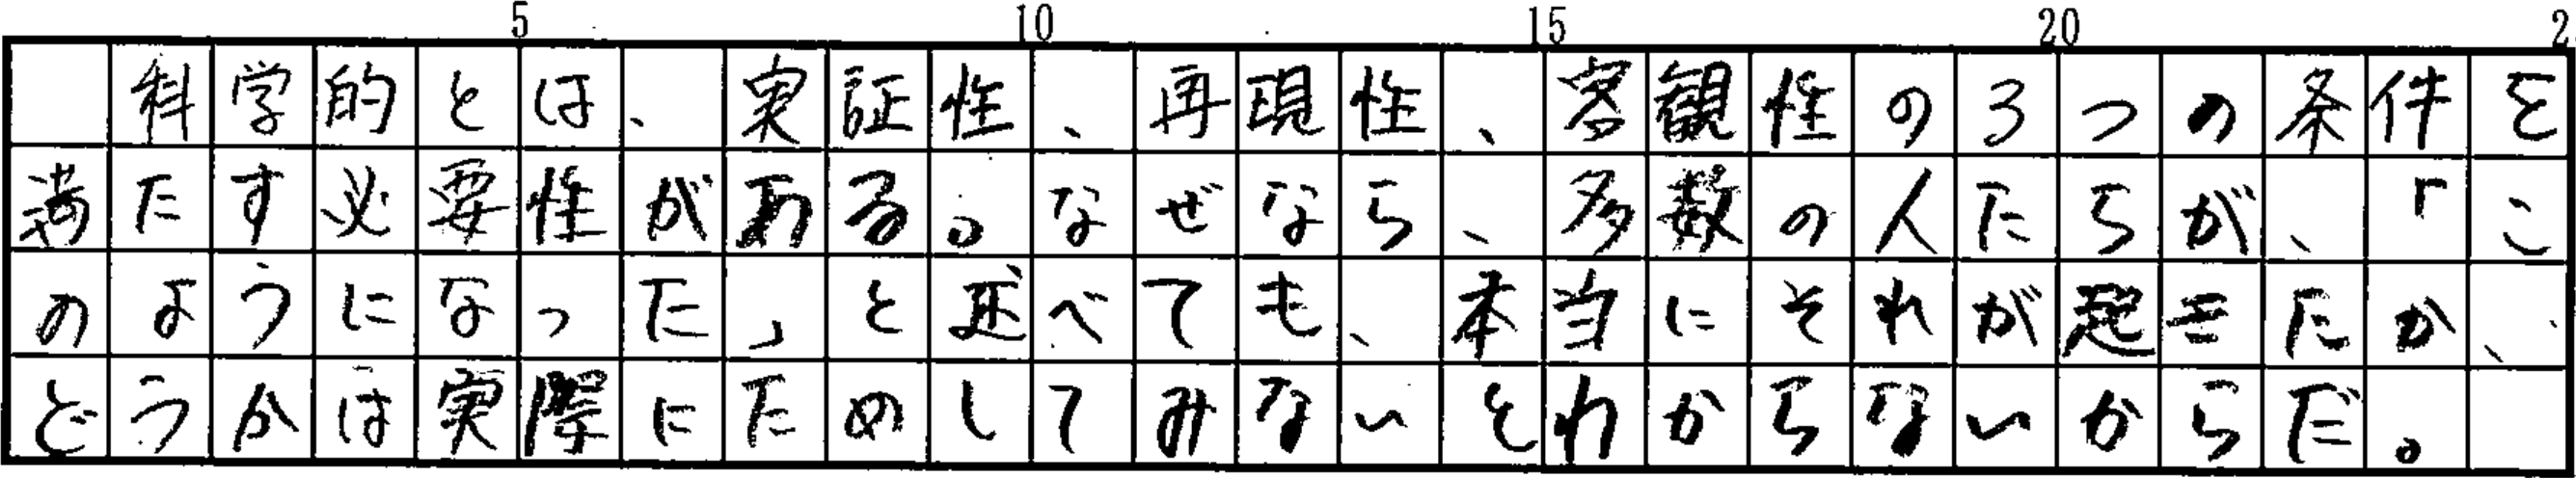　科学的とは、実証性、再現性、客観性の３つの条件を満たす必要性がある。なぜなら、多数の人たちが、「このようになった」と述べても、本当にそれが起きたか、どうかは実際にためしてみないとわからないからだ。
